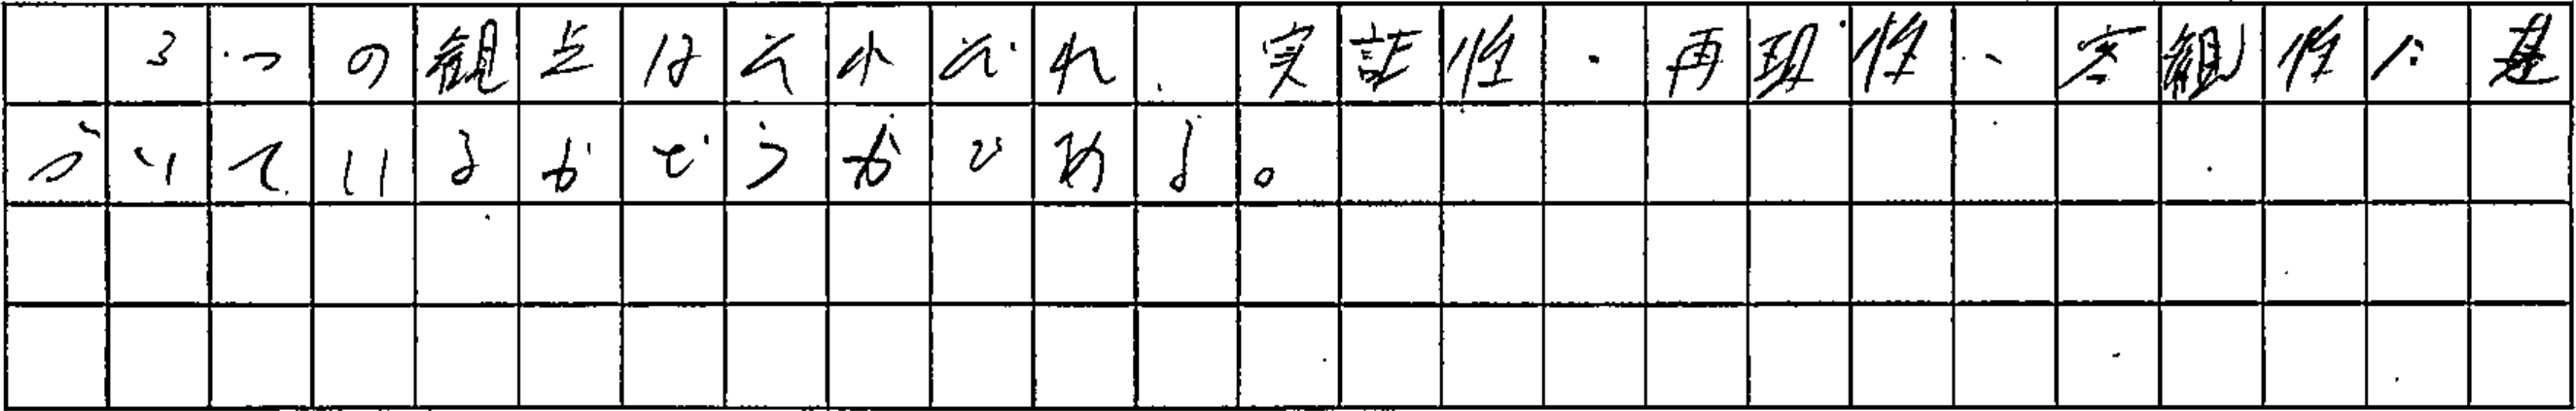　３つの観点はそれぞれ、実証性・再現性・客観性に基づいているかどうかである。
